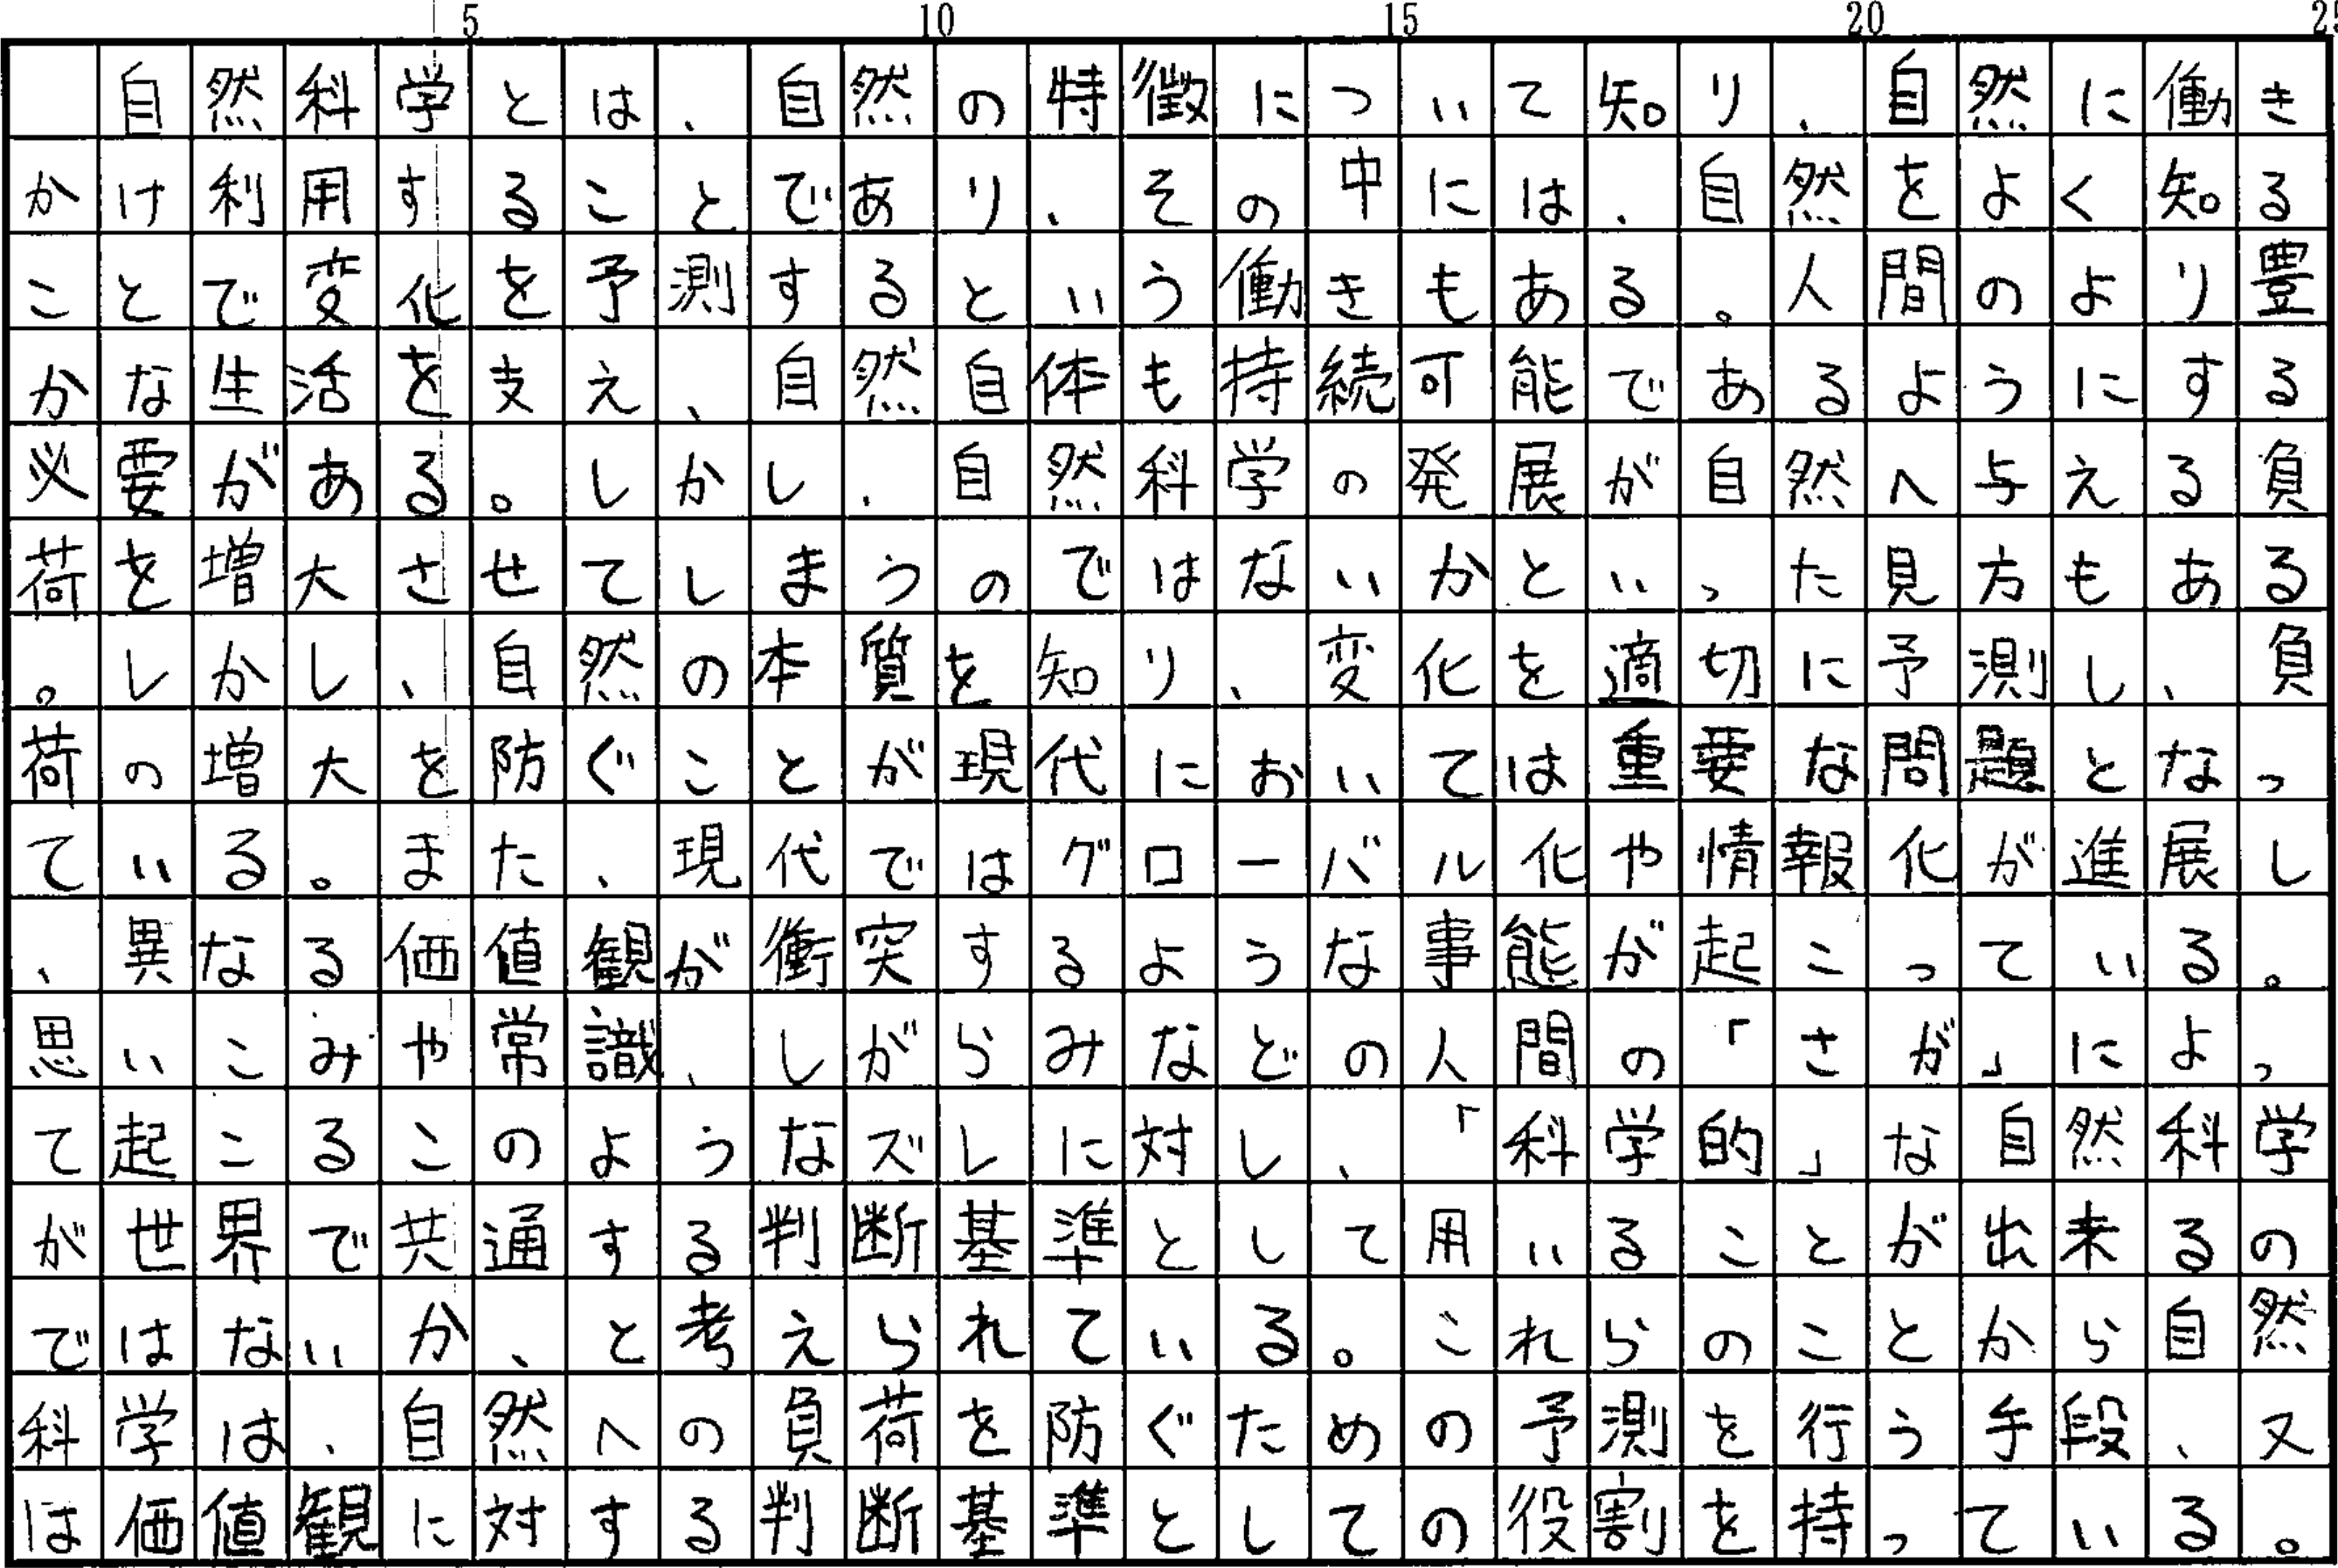　自然科学とは、自然の特徴について知り、自然に働きかけ利用することであり、その中には、自然をよく知ることで変化を予測するという働きもある。人間のより豊かな生活を支え、自然自体も持続可能であるようにする必要がある。しかし、自然科学の発展が自然へ与える負荷を増大させてしまうのではないかといった見方もある。しかし、自然の本質を知り、変化を適切に予測し、負荷の増大を防ぐことが現代においては重要な問題となっている。また、現代ではグローバル化や情報化が進展し、異なる価値観が衝突するような事態が起こっている。思いこみや常識、しがらみなどの人間の「さが」によって起こるこのようなズレに対し、「科学的」な自然科学が世界で共通する判断基準として用いることが出来るのではないか、と考えられている。これらのことから自然科学は、自然への負荷を防ぐための予測を行う手段、又は価値観に対する判断基準としての役割を持っている。
